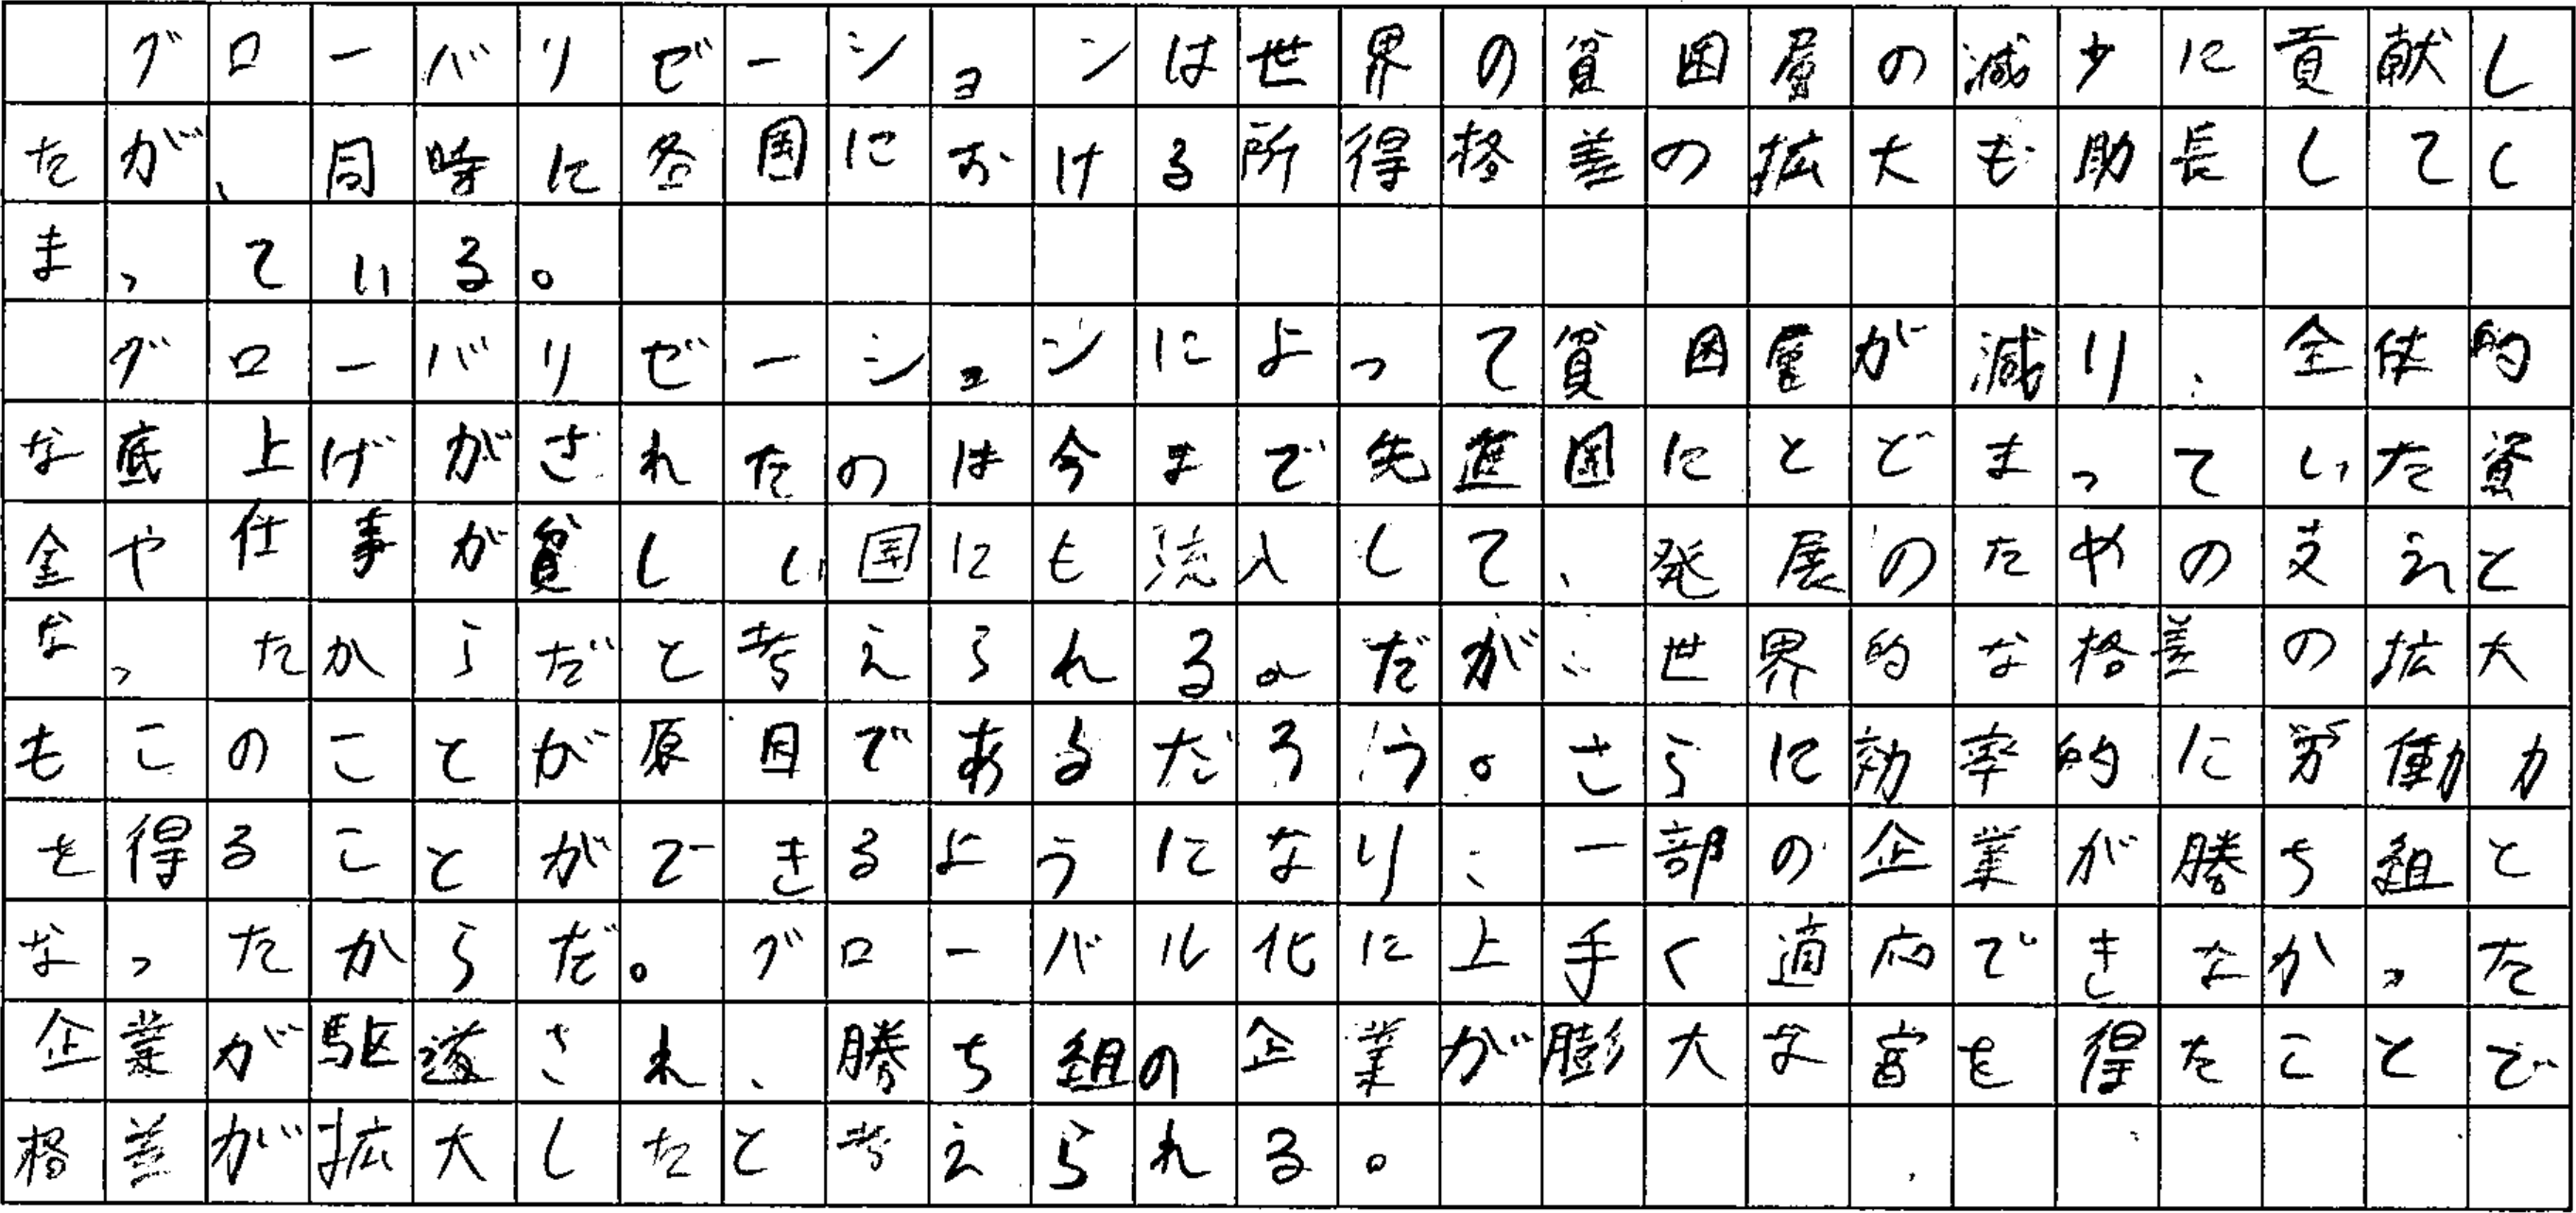　グローバリゼーションは世界の貧困層の減少に貢献したが、同時に各国における所得格差の拡大も助長してしまっている。
　グローバリゼーションによって貧困層が減り、全体的な底上げがされたのは今まで先進国にとどまっていた資金や仕事が貧しい国にも流入して、発展のための支えとなったからだと考えられる。だが、世界的な格差の拡大もこのことが原因であるだろう。さらに効率的に労働力を得ることができるようになり、一部の企業が勝ち組となったからだ。グローバル化に上手く適応できなかった企業が駆遂され、勝ち組の企業が膨大な富を得たことで格差が拡大したと考えられる。
